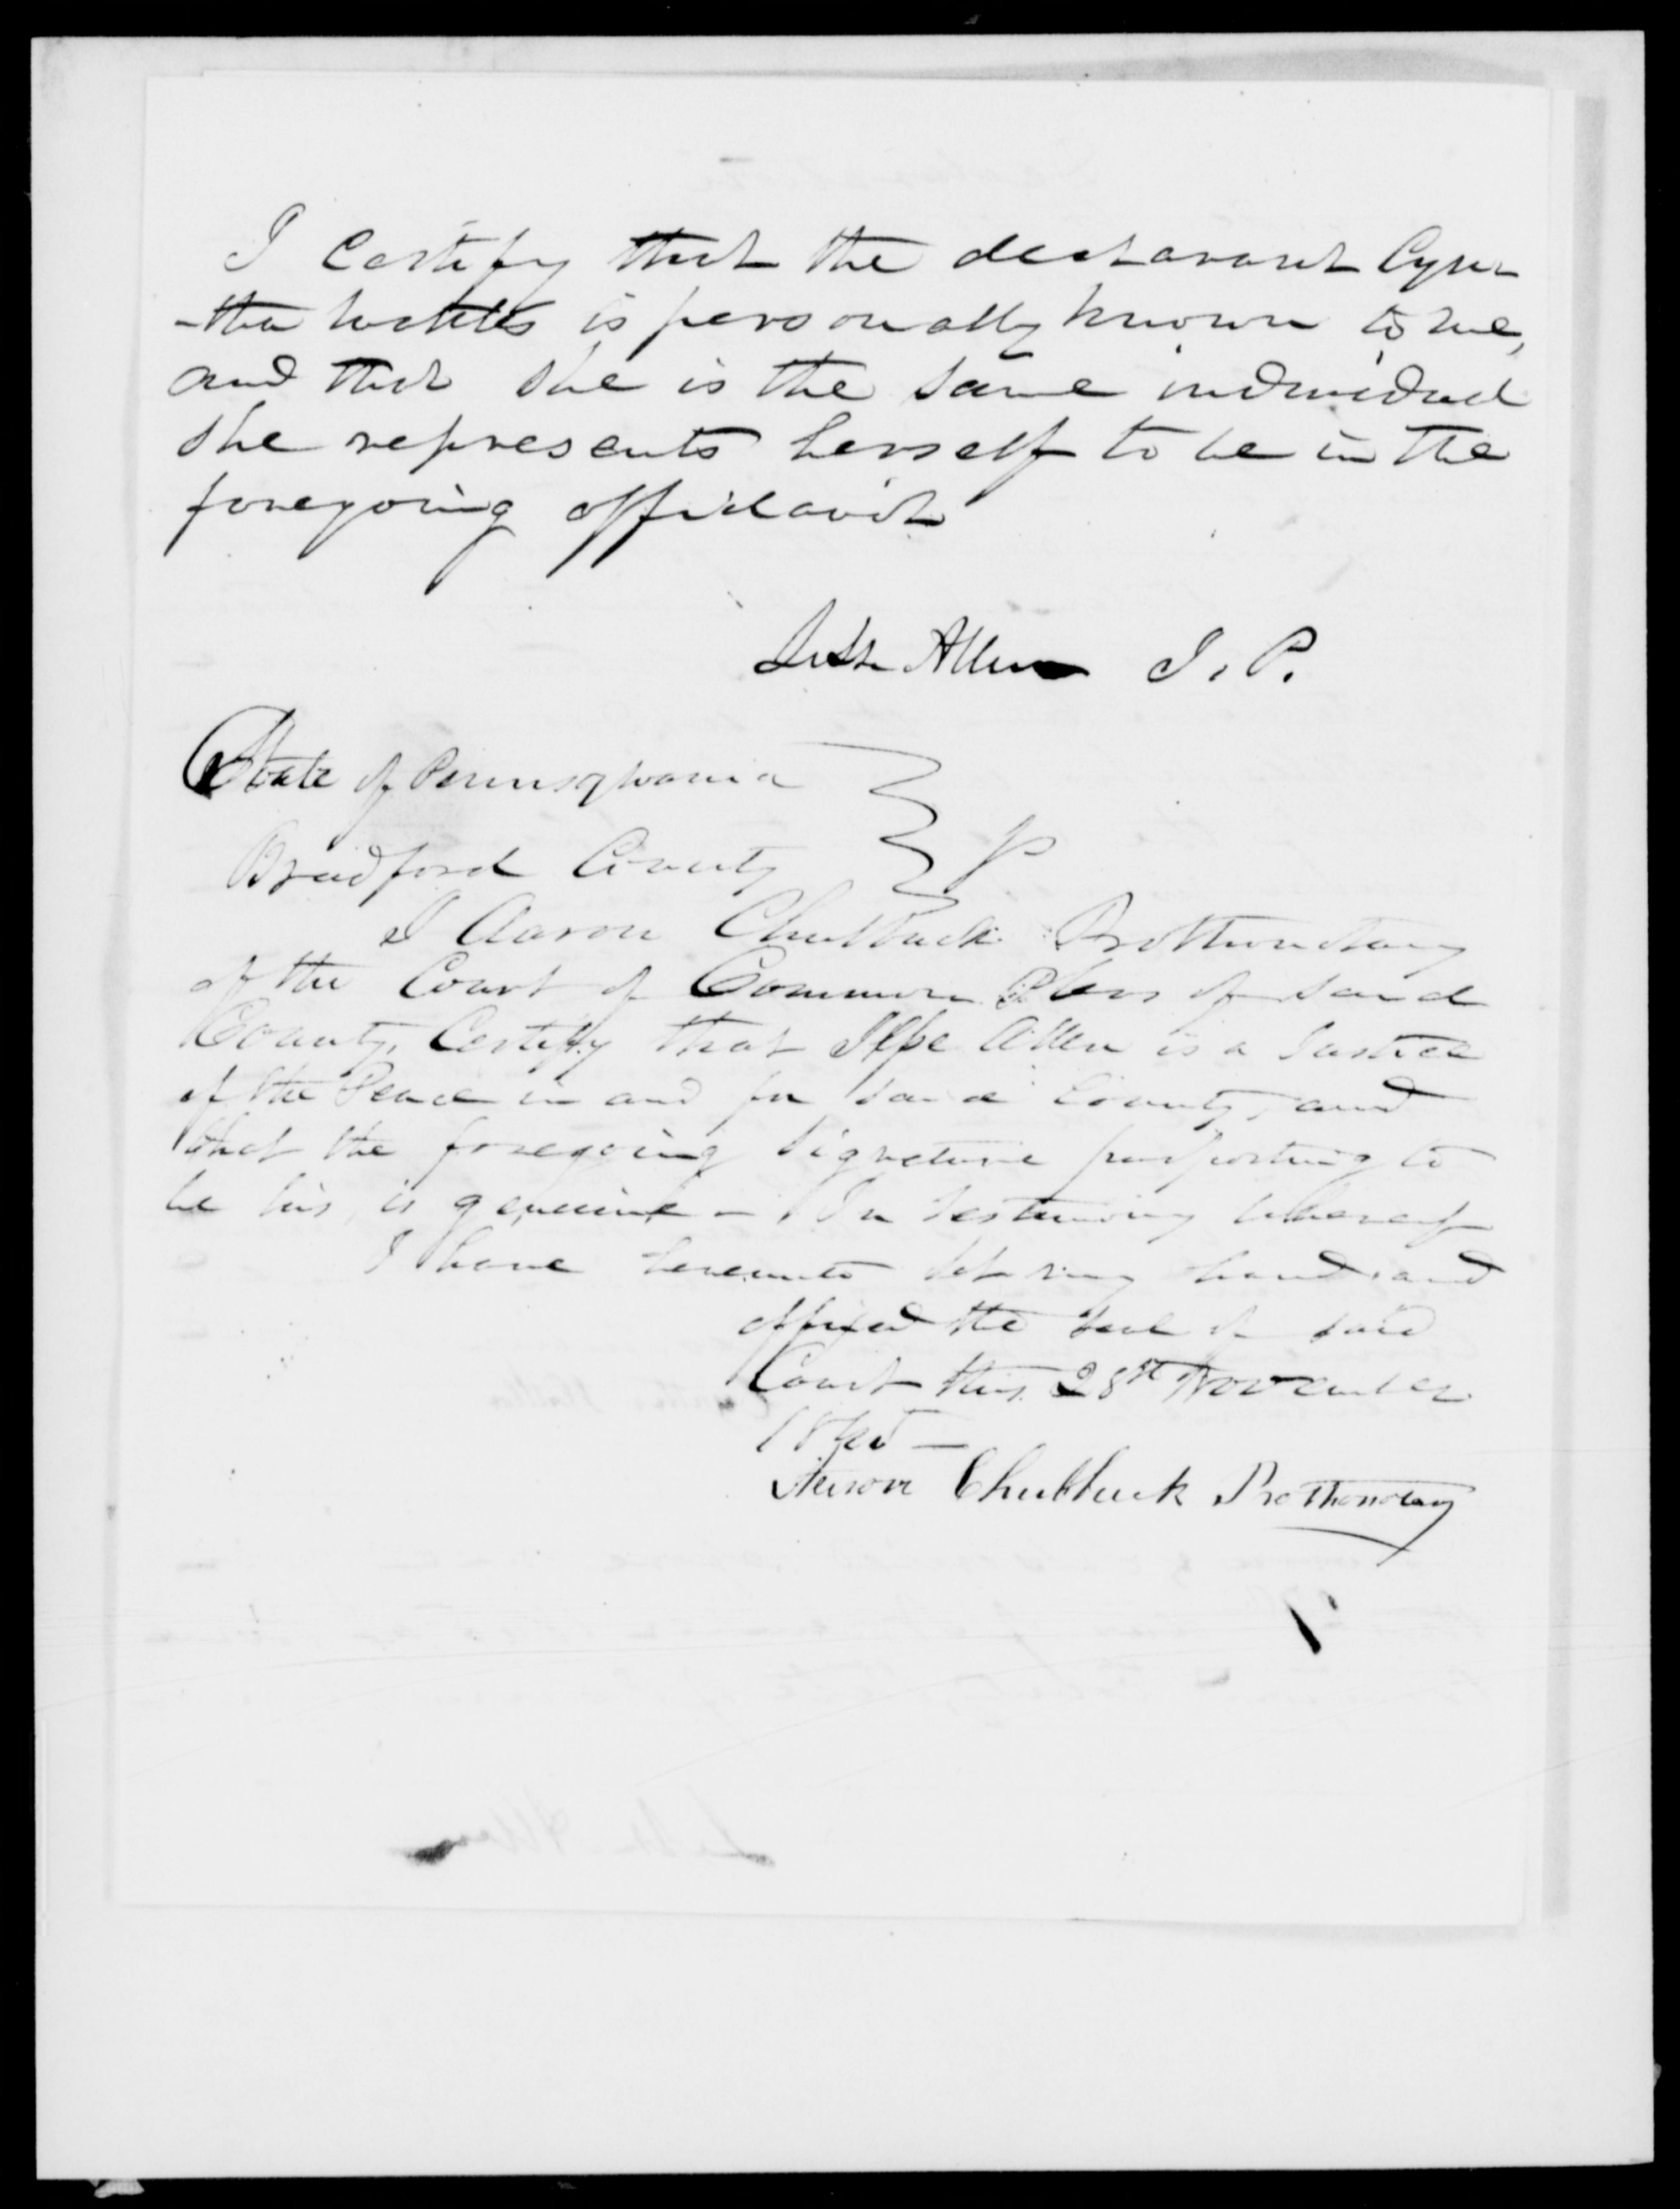I certify that the declarant, Cynthia  Wattles is personally known to me and that she is the same individual she present herself to be in the foregoing affidavits.

Jesse Allen  J. P.

State of Pennsylvania}
Bradford County} ss.

I, Aaron Chubbuck, Prothonotary of the Court of Common Pleas of said County, Certify that Jesse Allen is a Justice of the Peace in and for said County, and that the foregoing signature purporting to be his is genuine.  
In Testimony whereof I have hereunto set my hand and affixed the seal of said Court this 28th November 1845.
Aaron Chubbuck  Prothonotary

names: Cyntha Wattles, Aaron Chubbuck, Jesse Allen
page: 67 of 70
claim: widow's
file: W. 3743, Dan Wattles, Conn.